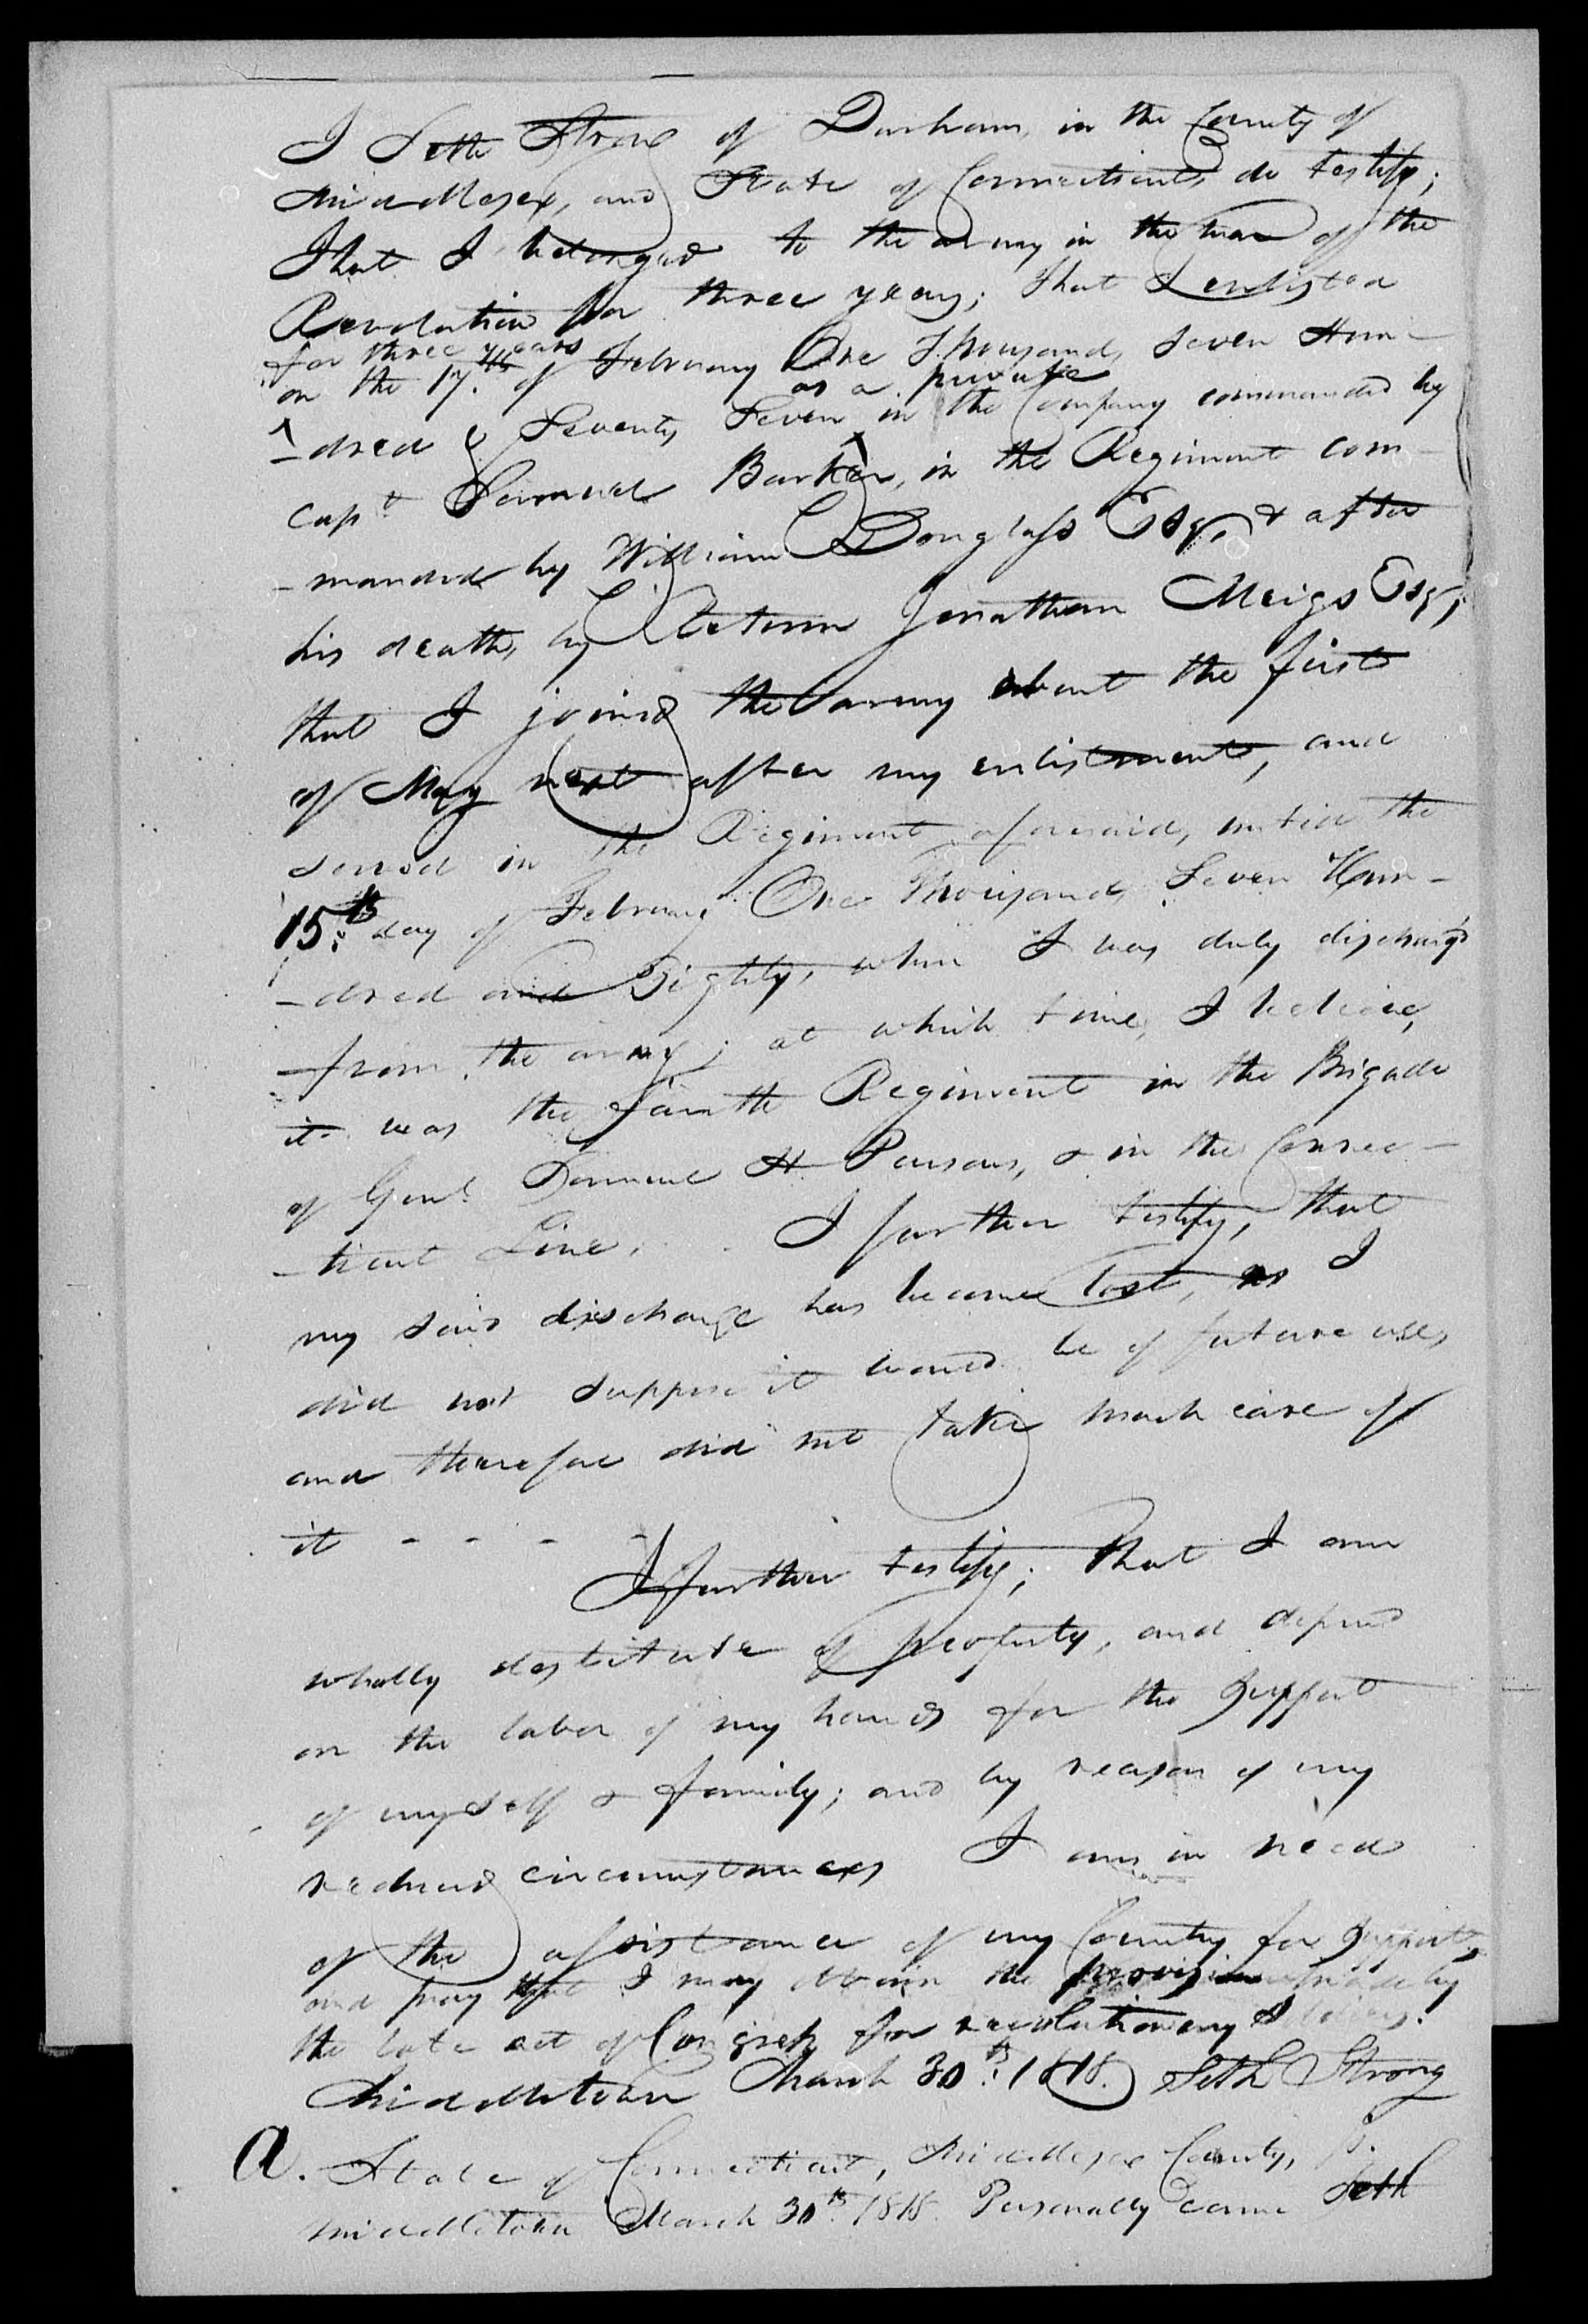I Seth Strong of Durham, in the County of Middlesex, and State of Connecticut, do testify; That I belonged to the army in the War of the Revolution for three years; That I enlisted for three years on the 17th of February One Thousand, Seven Hundred & Seventy Seven as a private in the Company commanded by Capt. Samuel Barker, in the Regiment commanded by William Douglas Esq. & after his death, by  Return Jonathan Meigs Esq, that I joined the army about the first of May next after my enlistment, and served in the Regiment aforesaid, untill the 15th day of February, One Thousand Seven Hundred and Eighty, when I was duly discharged from the army, at which time, I believe, it was the Fourth Regiment in the Brigade of Genl Samuel H Parsons, & in the Connecticut Line. I further testify, that my said discharge has become lost, as I did not suppose it would be of future use, and therefore did not take much care of it - - -

I further testify, that I am wholly destitute of property, and depend on the labor of my hand for the support of myself & family; and by reason of my reduced circumstances I am in need of the assistance of my Country, for support and pray that I may obtain the provision made by the late act of Congress for Revolutionary soldiers.
Middletown March 30th 1818.  Seth Strong

A. State of Connecticut, Middlesex County, ss
Middletown March 30th 1818. Personally came Seth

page: 3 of 47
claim: widow's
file: W. 17879, for Seth Strong, Connecticut